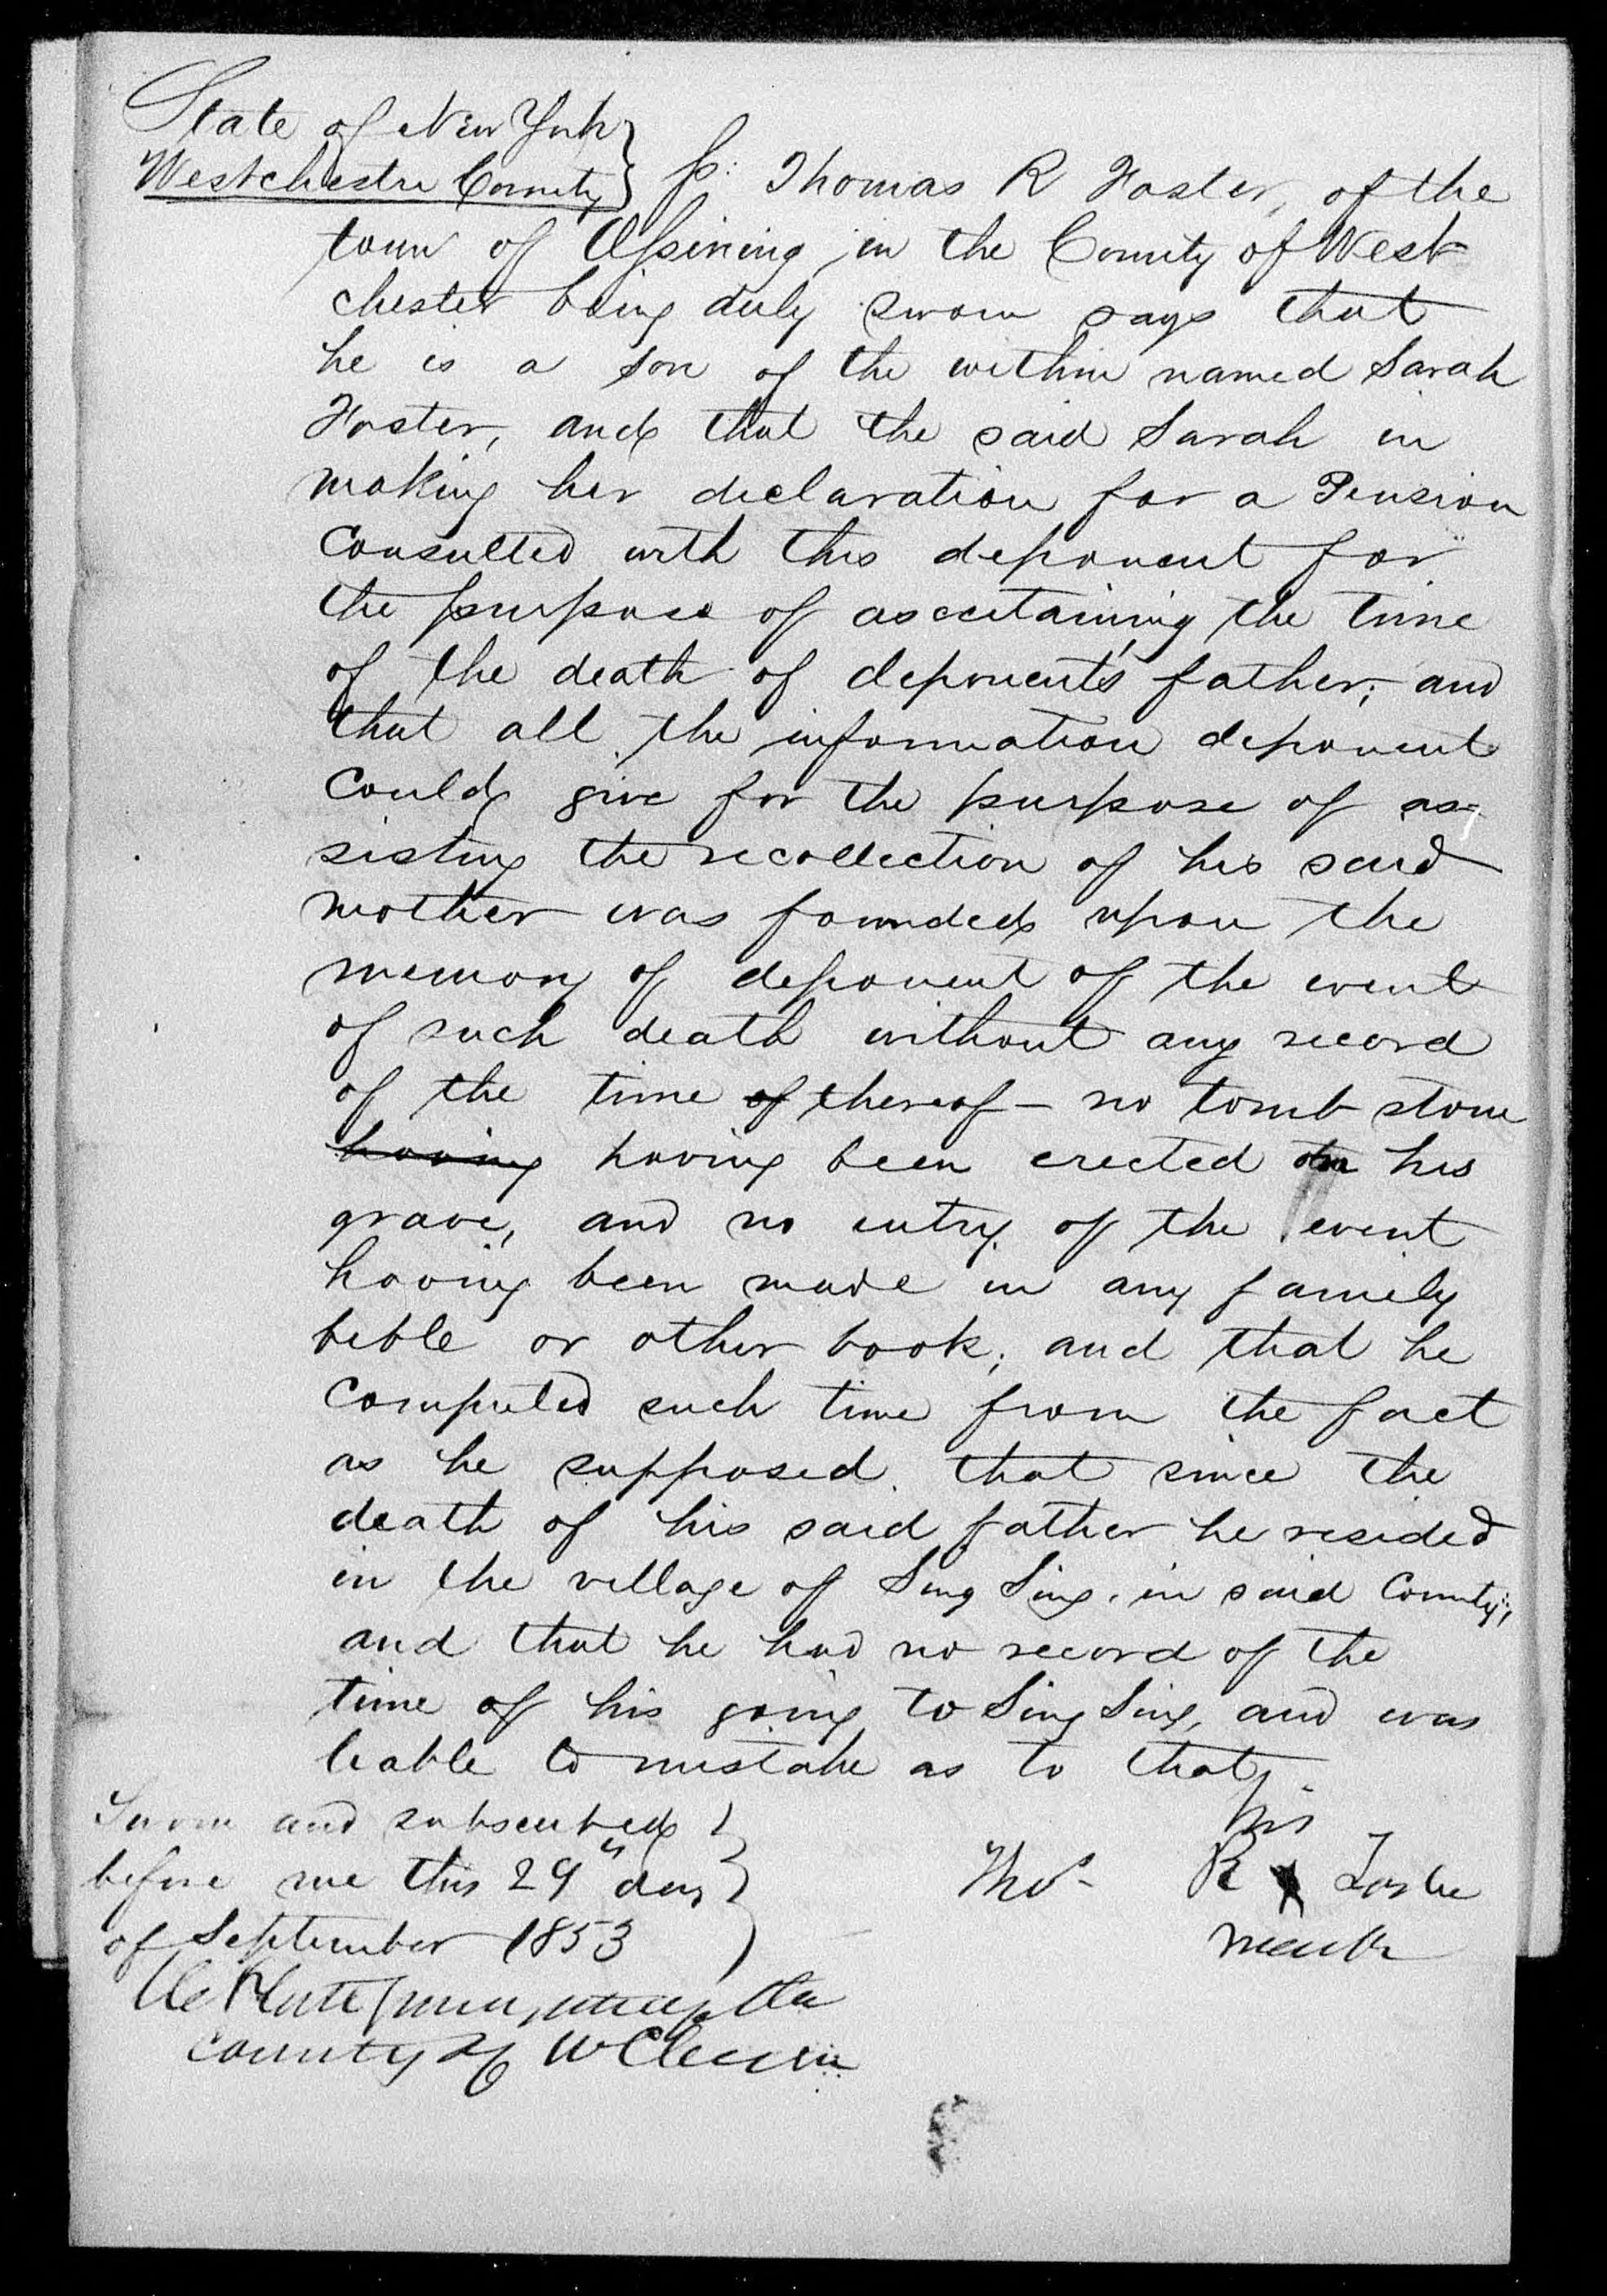State of New York
Westchester County } SS
Thomas R. Foster, of the town of Ossining, in the County of Westchester being duly sworn says that he is a son of the within named Sarah Foster, and that the said Sarah in making her declaration for a Pension consulted with this deponant for the purpose of ascertaining the time of death of the deponent's father; and that all the information deponents could give for the purpose of assisting the recollection of his said mother was formed upon the memory of deponent of the event of such death without any record of the time thereof-no tombstone having been erected on his grave, and no entry of the event having been made in any family bible or other book, and that he computed such time from the fact as he supposed that since the death of his said father he resided in the village of Sing Sing in said county; and that he had no record of the time of his going to Sing Sing, and was liable to mistake as to that.
Tho. R. Foster 
his X   mark
Sworn and subscribed before mw this 29th day of September 1853
L. C. Platt Surrogate of the County of Westchester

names: Thos R Foster, L C Platt, Sarah Foster, Sarah, Thomas R Foster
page: 55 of 57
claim: widow's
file: W. 5275 1/2, Michael Foster, Penn.